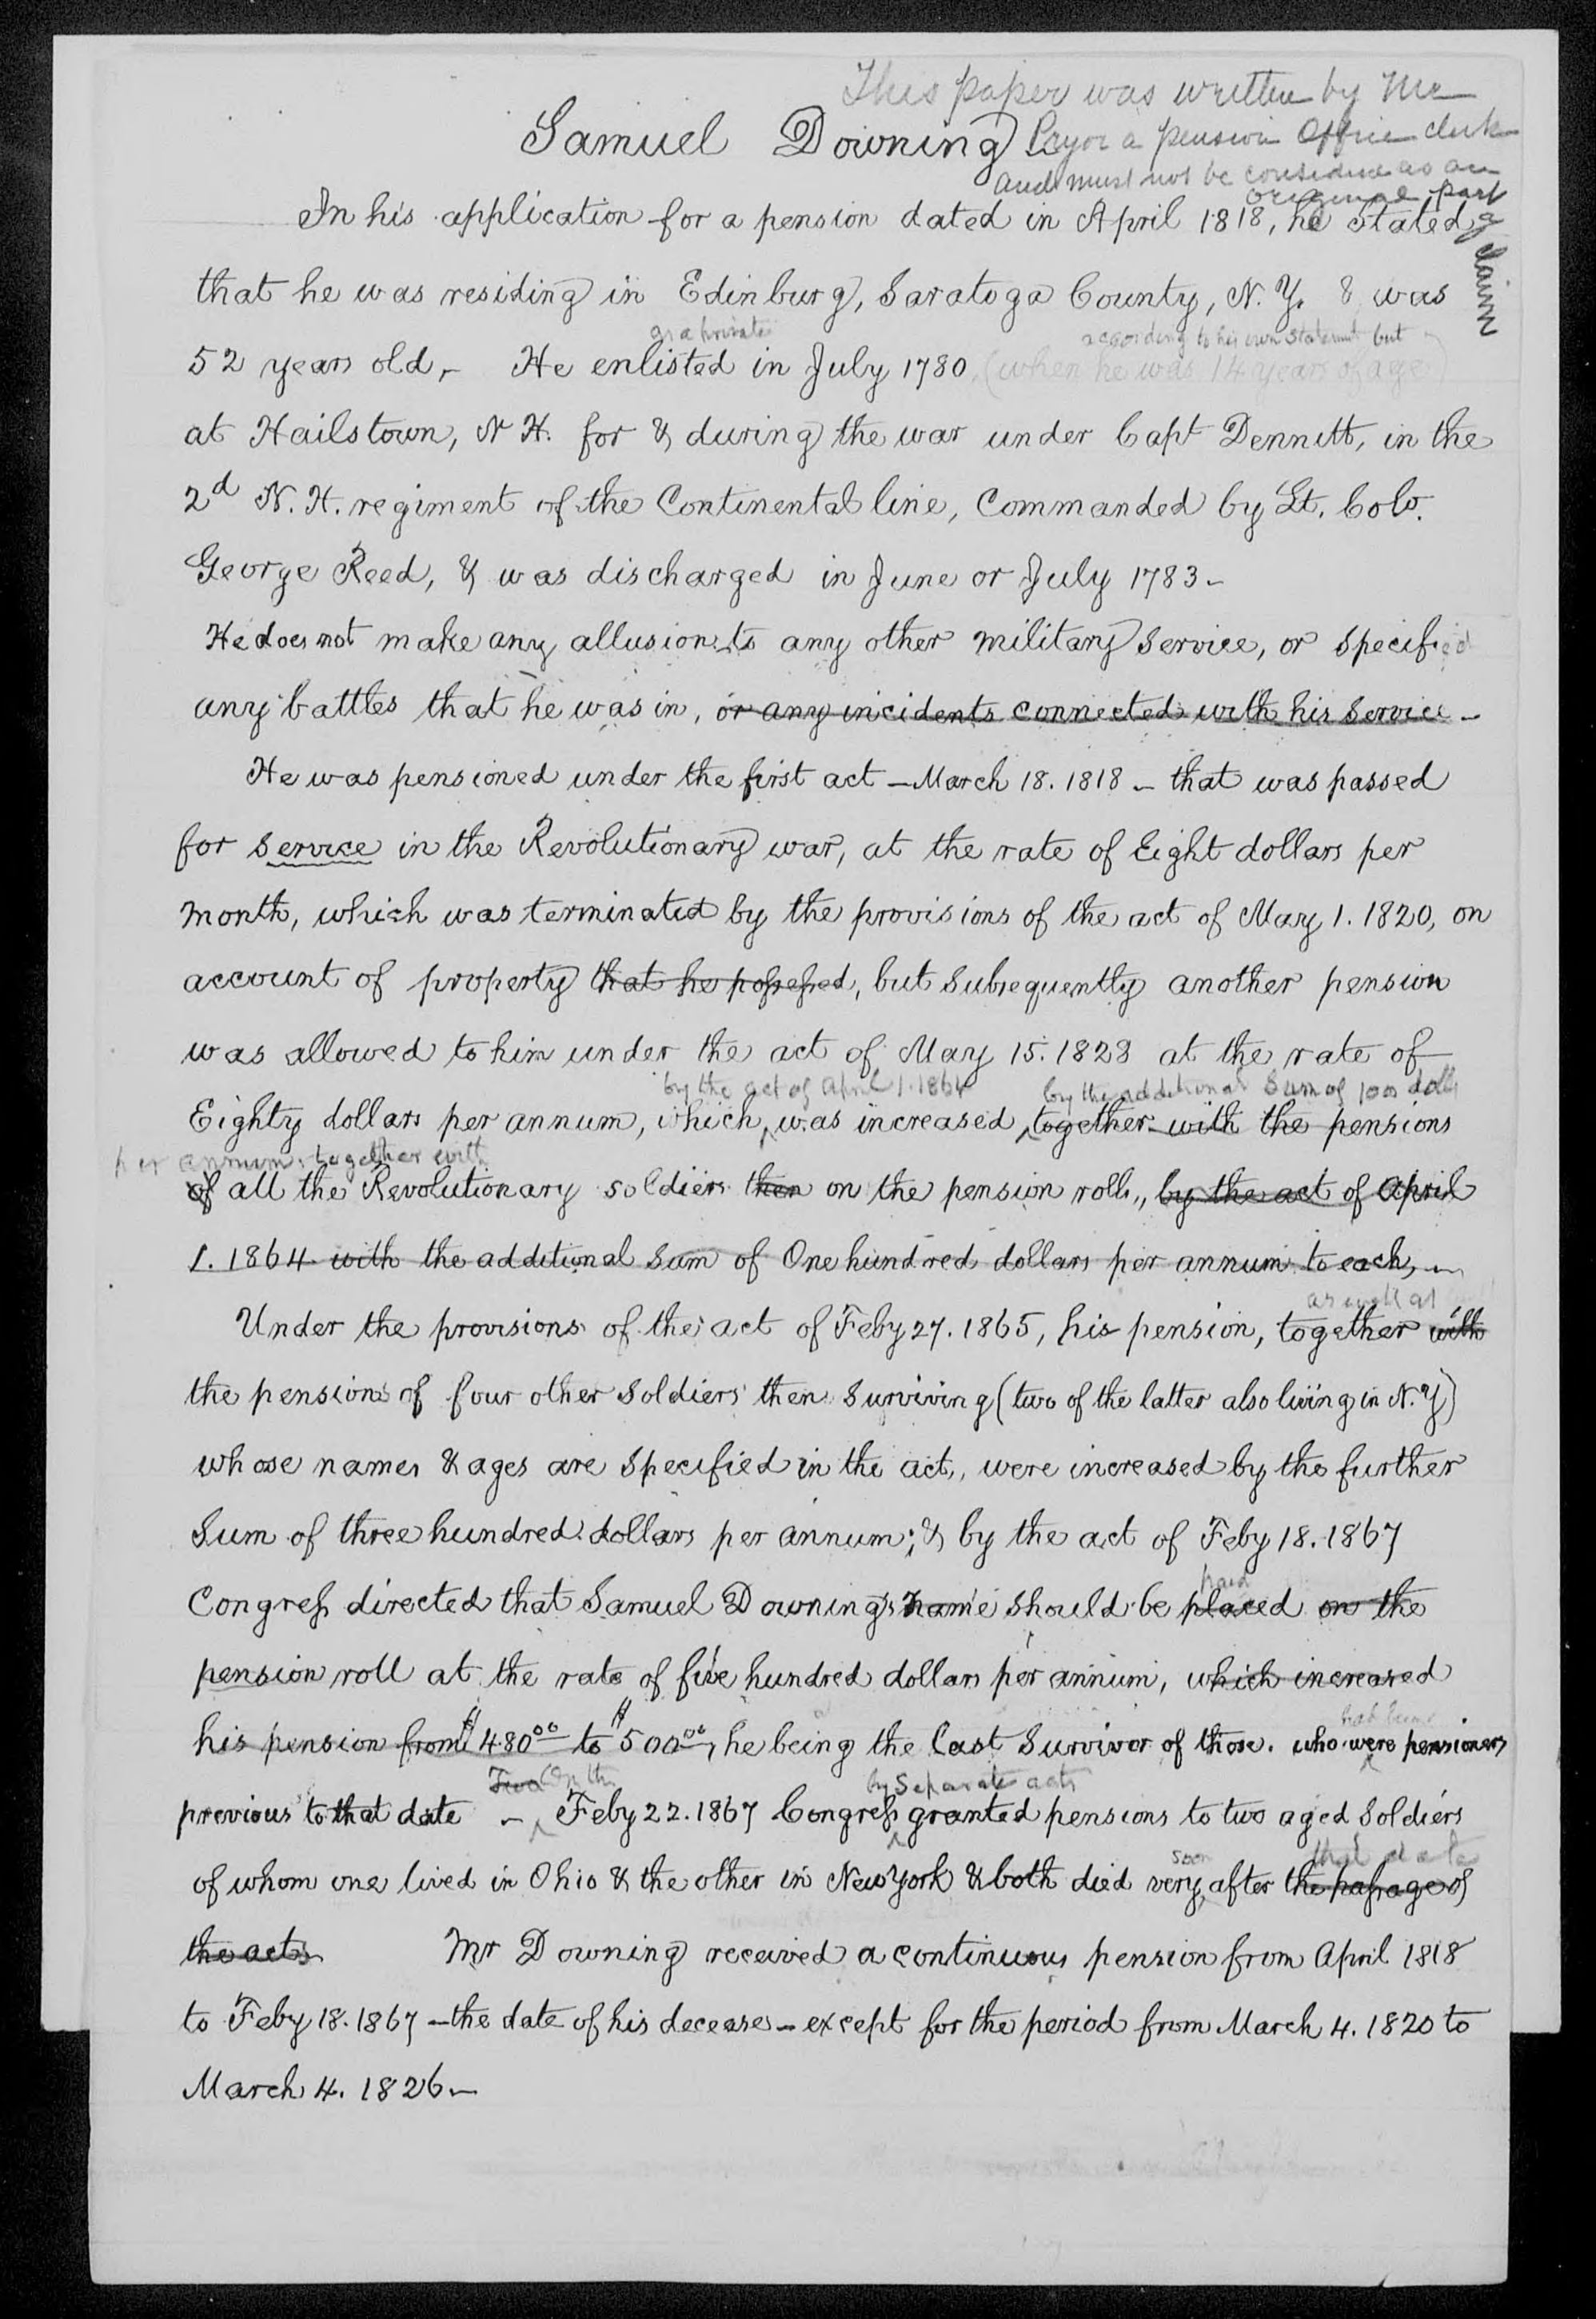This paper was written by Mr Pryor a pension office clerk and must not be considered as an original part of claim
Samuel Downing
In his application for a pension dated in April 1818, he stated that he was residing in Edinburgh, Saratoga County, N.Y. & was 52 years old. He enlisted  in July 1780 (when he was 14 years of age) according to his own statement but at Hailstown, N.H. for & during the war under Capt. Dennett, in the 2d N.H. regiment of the Continental line, Commanded by Lt. Colo. George Reed, & was discharged in June or July 1783 - He does not make any allusion to any other military Service or Specified any battles that he was in, (crossed out)
He was pensioned under the first act of- March 18. 1818 - that was passed for service in the Revolutionary war, at the rate of Eight dollars per month, which was terminated by the provisions of the act of May 1, 1820, on account of property (crossed out) but subsequently another pension was allowed to him under the act of May 15, 1823 at the rate of Eighty dollars per annum, which by the act of April 1, 1861 was increased by the additional sum of 10.00 dollar (crossed out) per annum together with all the Revolutionary soldiers (crossed out) on the pension rolls, (crossed out)
Under the provisions of the act of Feby 27. 1865,  his pension together  (crossed out) the pensions of four other Soldiers then surviving ( two of the latter also living in N.Y.) whose names & ages are specified in the act, were increased by the further Sum of three hundred dollars per annum; by the act of Feby 18.1867 Congress directed that Samuel Downing’s (crossed out) should be (crossed out) paid roll at the rate of five hundred dollars per annum, (crossed out) he being the last survivor of those who were pensioners previous to that date on the Feby 22. 1867 Congress by separate acts granted pensions to two aged Soldiers of whom one lived in Ohio & the other in New York & both died very soon after that date (crossed out) Mr Downing received a continuous pension from April 1818 to Feby 18. 1867 - the date of his decease - except for the period from March 4. 1820 to March 4. 1826-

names: Samuel Downing, Dennett, George Reed, Samuel Downing, Downing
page: 26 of 56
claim: survivor's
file: S. 40,055, Samuel Downing, N.H.